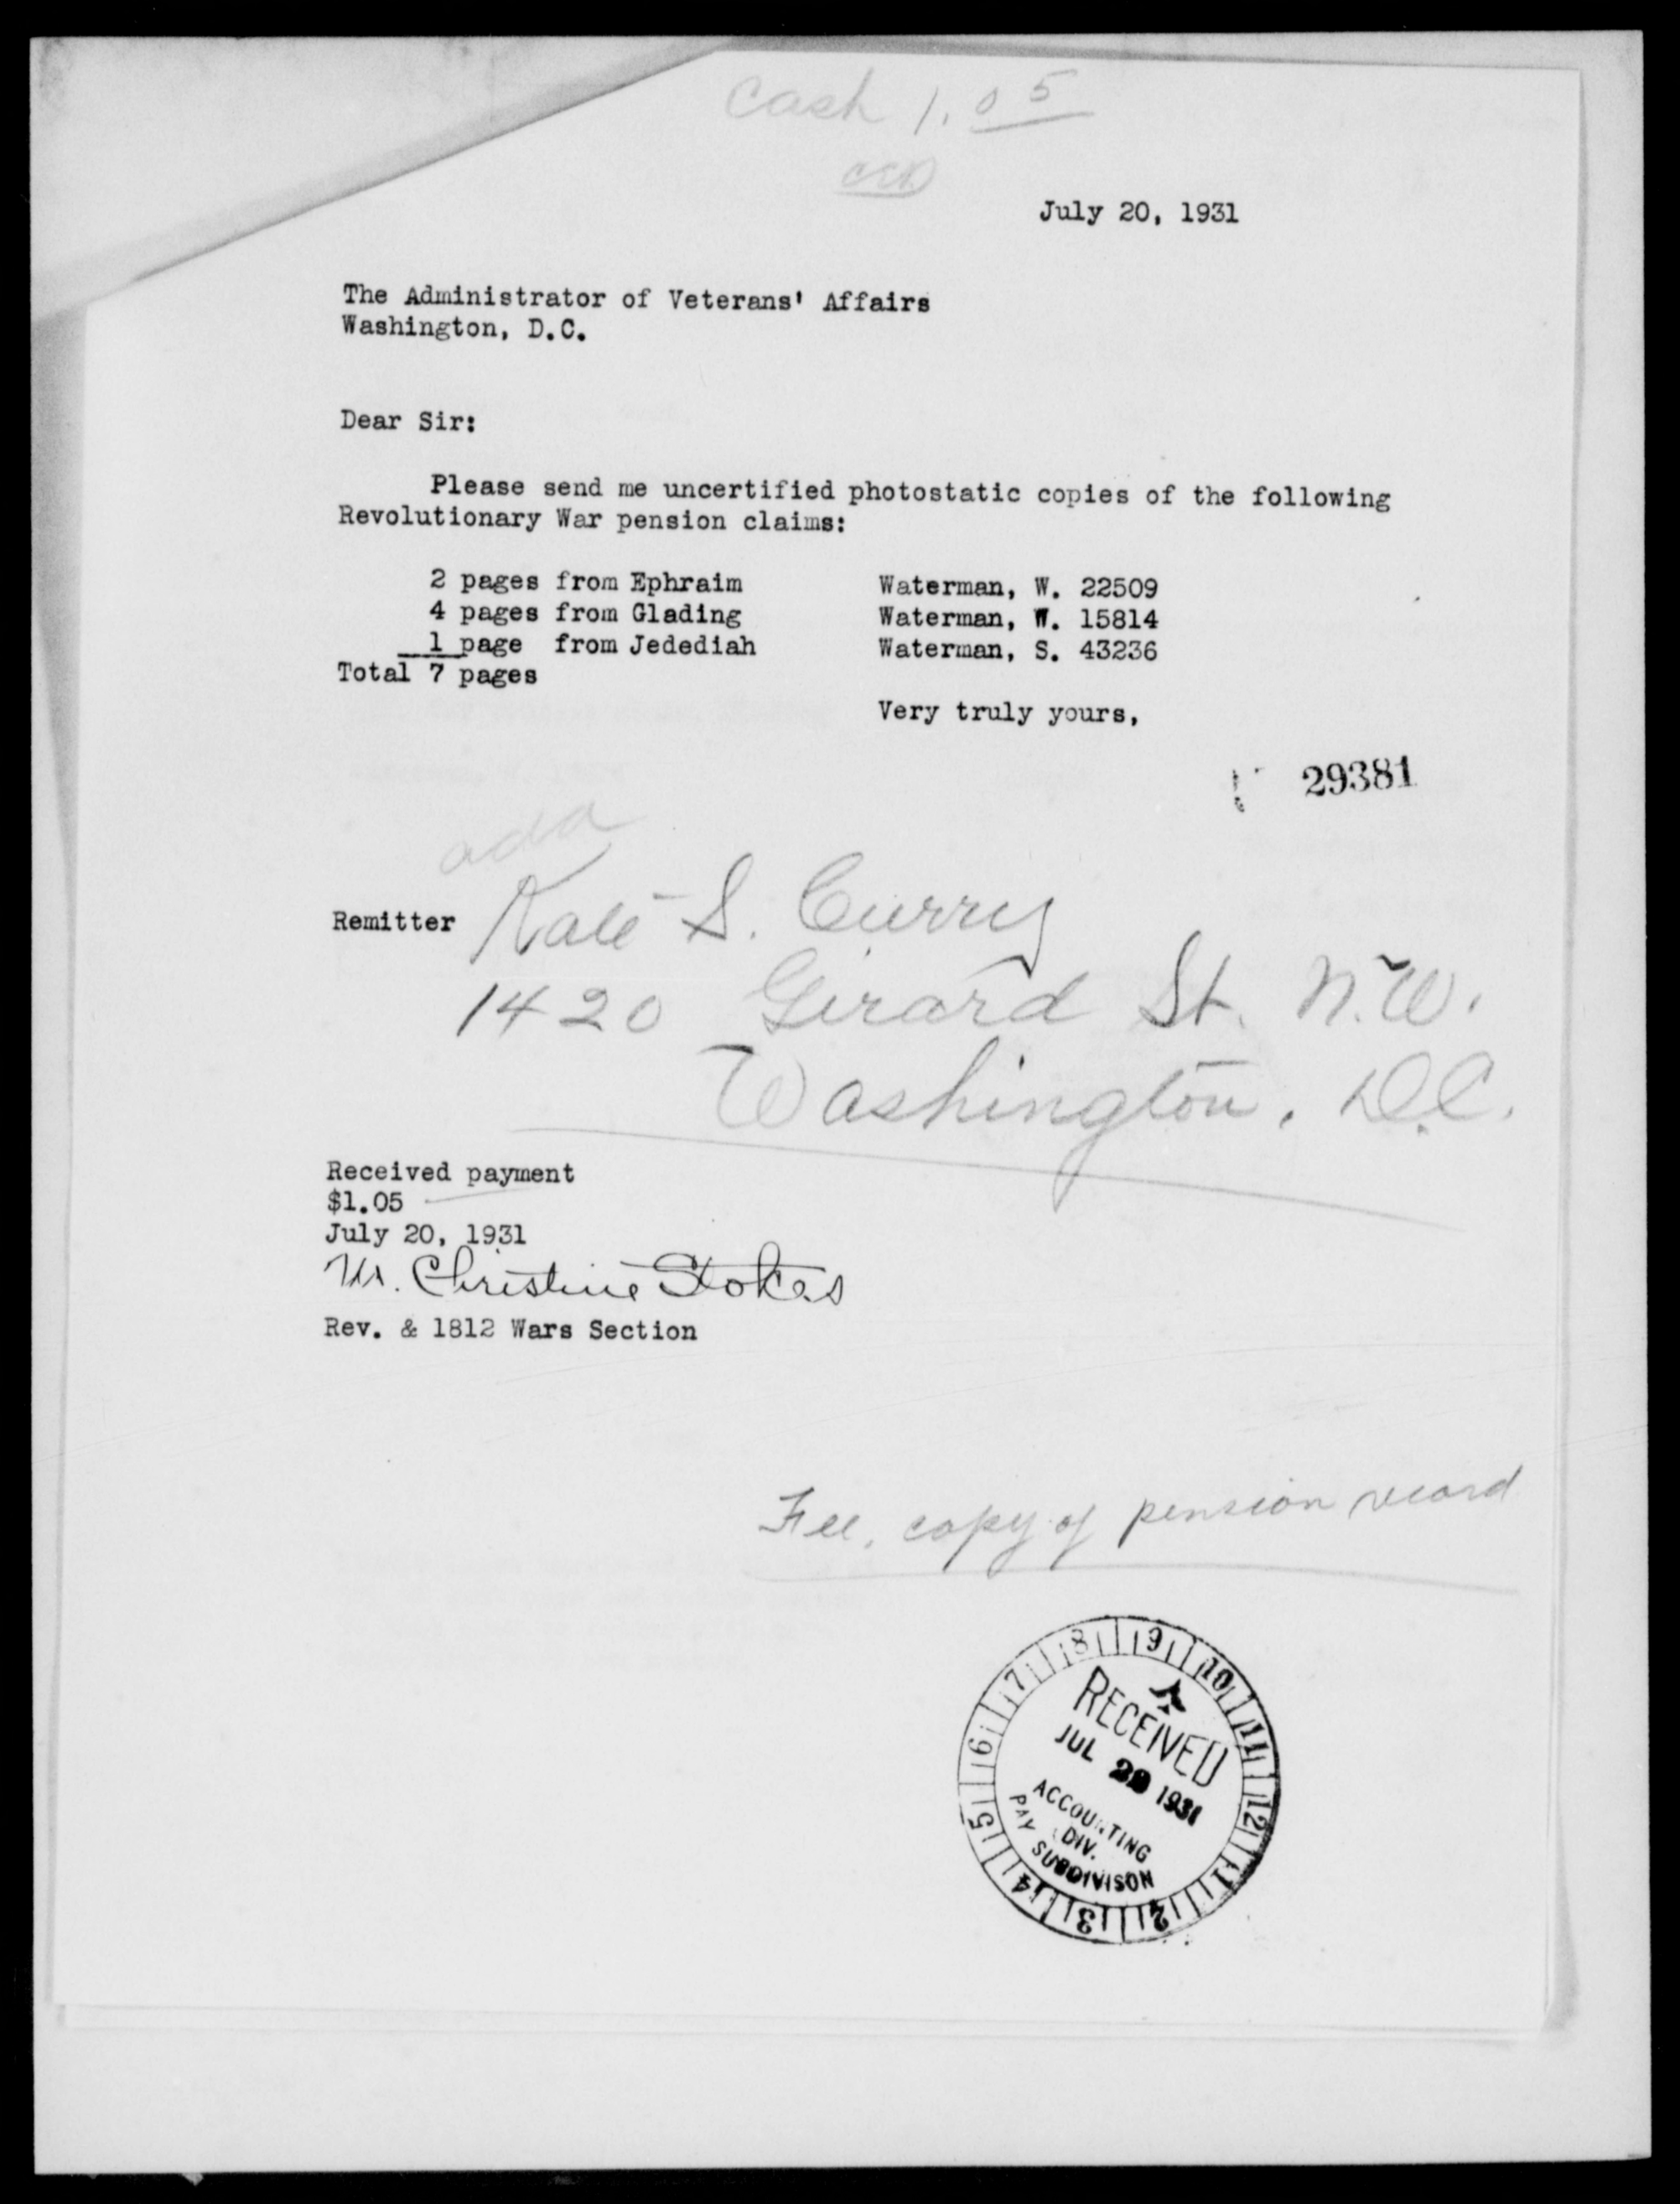Cash 1.05
ced

July 20, 1931

The Administrator of Veterans' Affairs
Washington, D.C.

Dear Sir:
         Please send me uncertified photostatic copies of the following Revolutionary War pension claims:
  2 pages from Ephraim    Waterman, W. 22509
  4 pages from Glading     Waterman, W. 15814
  1 page from Jedediah     Waterman, S. 43236
Total 7 pages

Very truly yours, 
                                               29381
ada
Remitter Kate S. Curry
               1420 Girad St. N.W.
                Washington, D.C.

Received payment
$1.05
July 20, 1931
Ms. Christine Stokes
Rev. & 1812 Wars Section

Fee, copy of Pension record
RECEIVED
JULY 22 1931
Accounting
DIV
PAY SUBDIVISON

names: Ephraim Waterman, Glading Waterman, Christine Stokes, Kate S Curry, Jedediah Waterman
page: 50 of 50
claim: widow's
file: W. 15814, Glading Waterman, Conn. Conn. Sea Service Continental